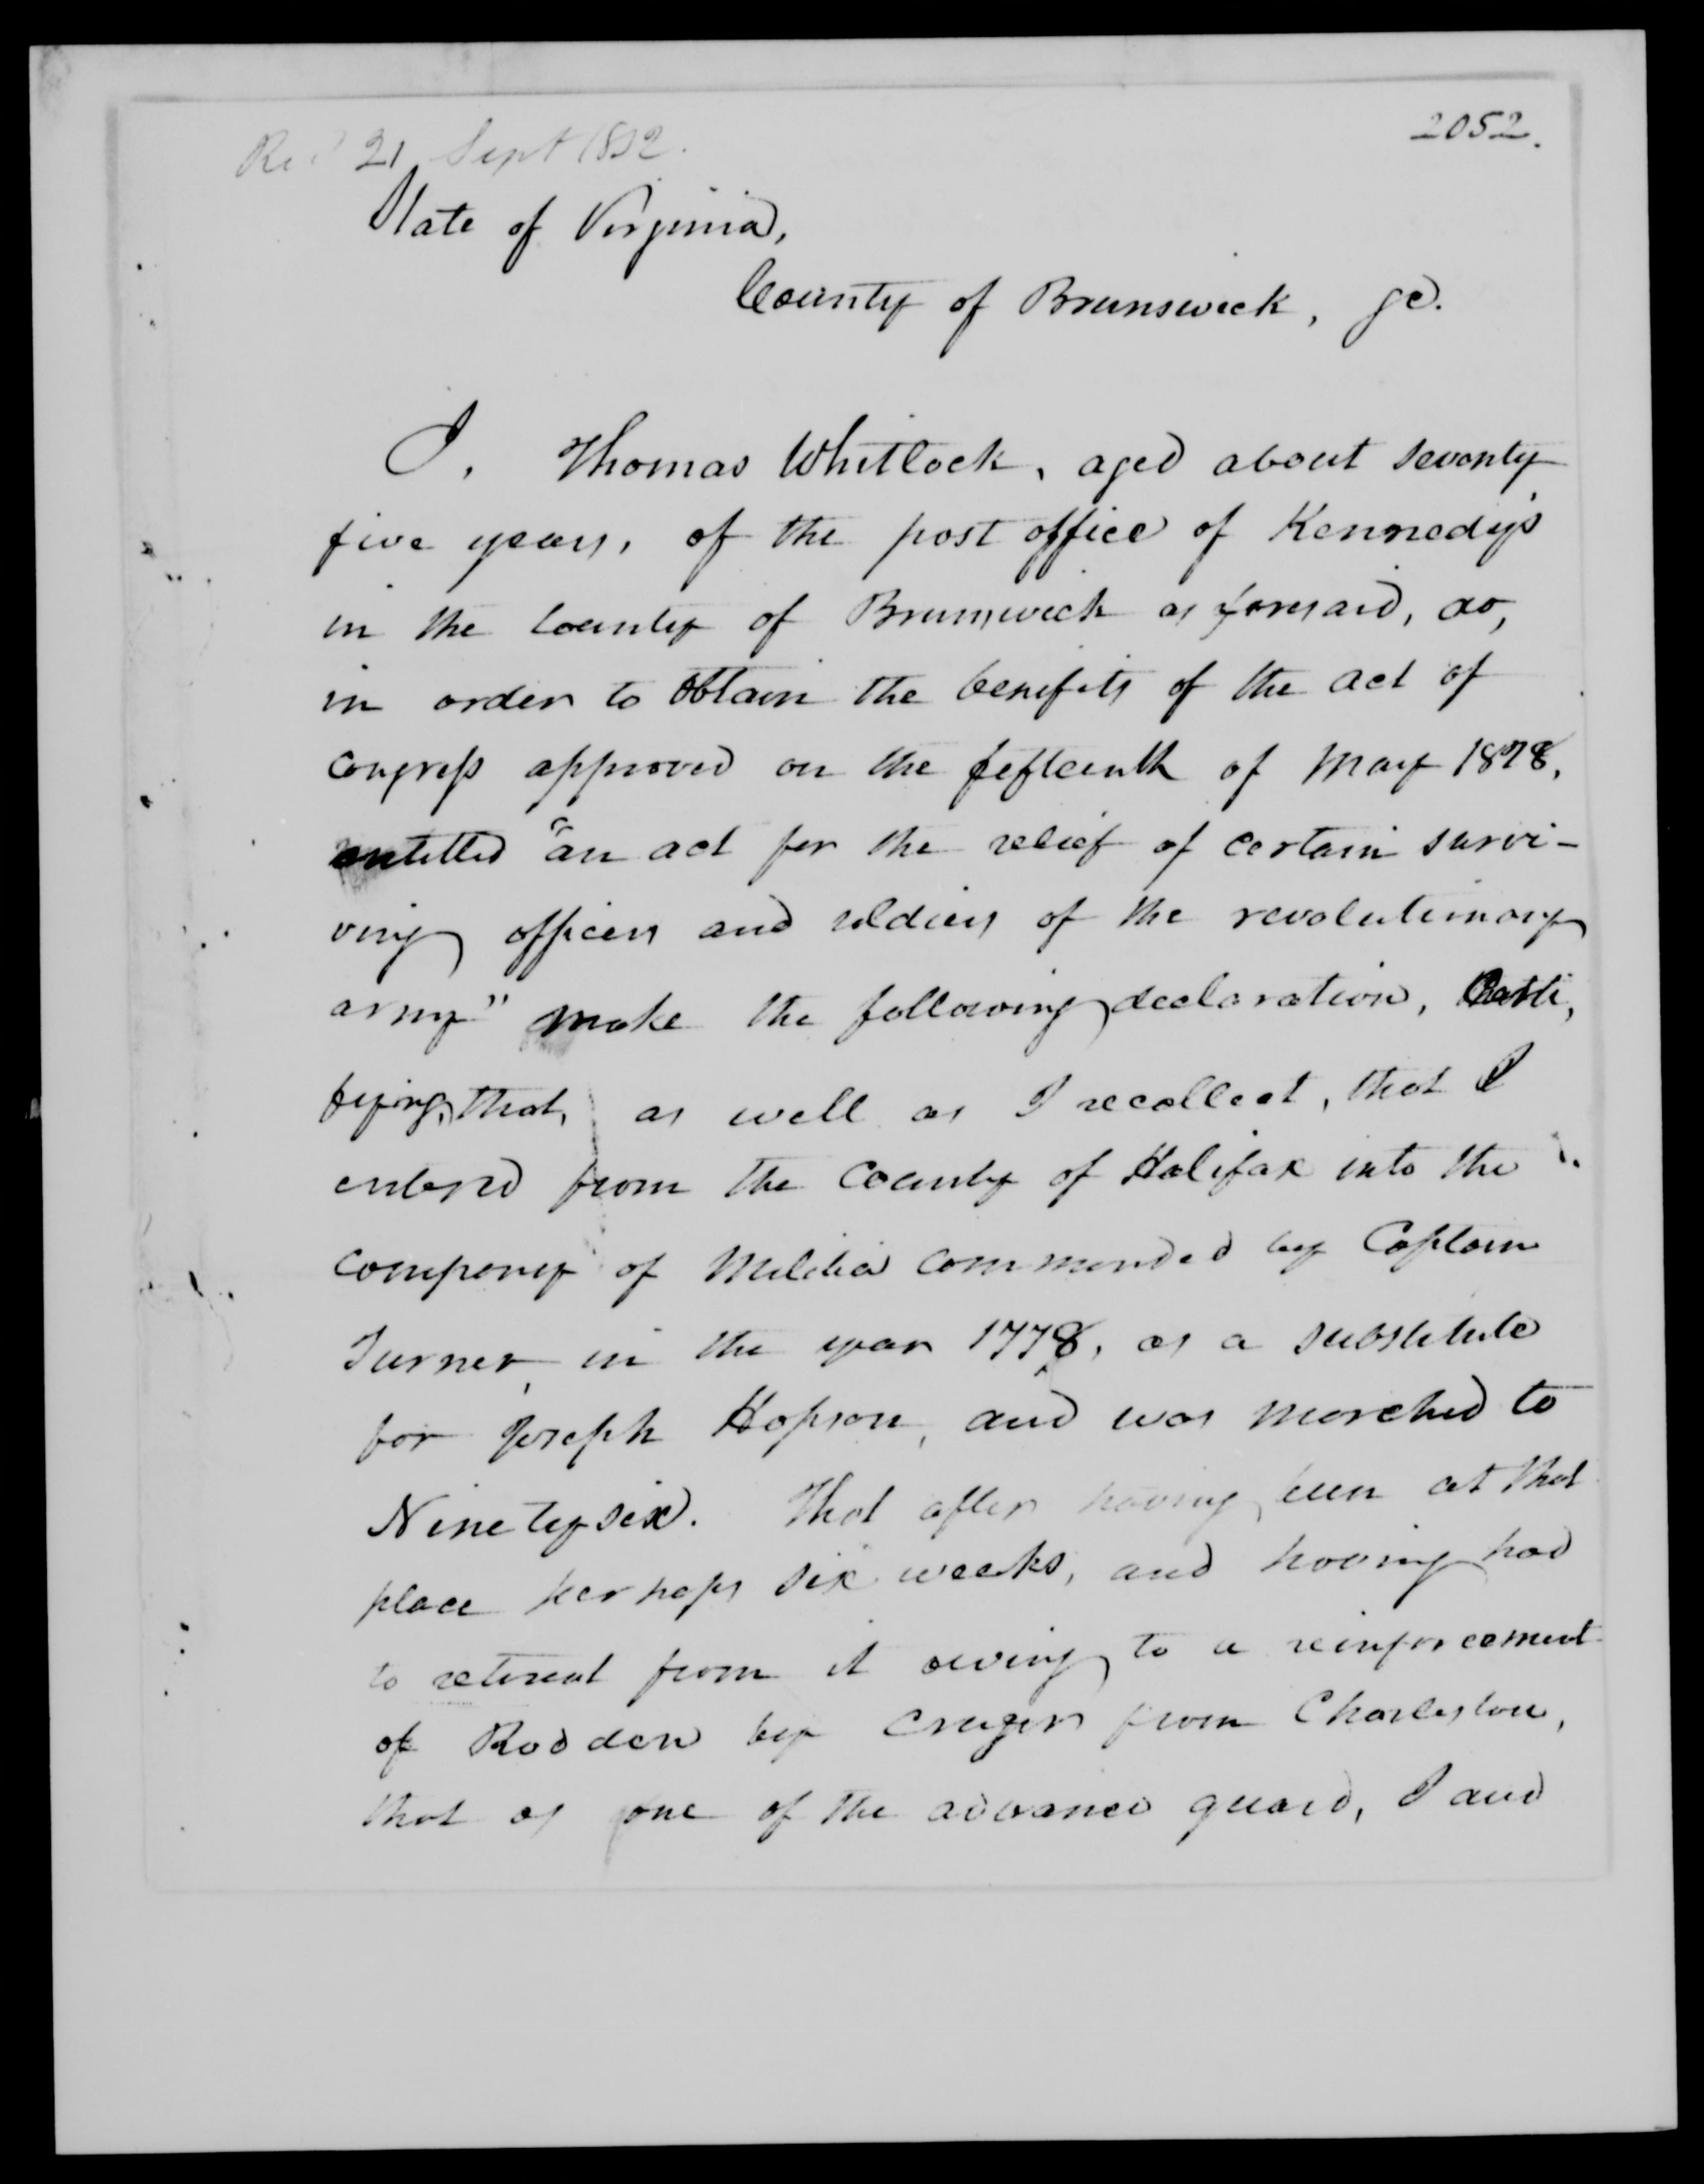2052 

21 Sept 1832
State of Virginia
County of Brunswick

I Thomas Whitlock, aged about seventy five years, of the post office of Kennedy’s in the County of Brunswick as foresaid, do, in order to obtain the benefits of the act of Congress approved on the fifteenth of May 1878, entitled “an act for the relief of certain surviving officers and soldiers of the revolutionary army" make the following declaration, That as well as I recollect, that I entered from the County of Halifax into the company of Militia commanded by Captain Turner in the year 1778, as a substitute for Joseph Hopson, and was marched to Ninety six. That after having been at that place perhaps six weeks and having had to retreat from it owing to a reinforcement of Rodden by Cragen from Charleston that of one of the advance guards. I and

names: Thomas Whitlock, Joseph Hopson, Cragen, Turner, Rodden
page: 3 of 32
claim: survivor's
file: S. 16020, Thomas Whitlock, Va.